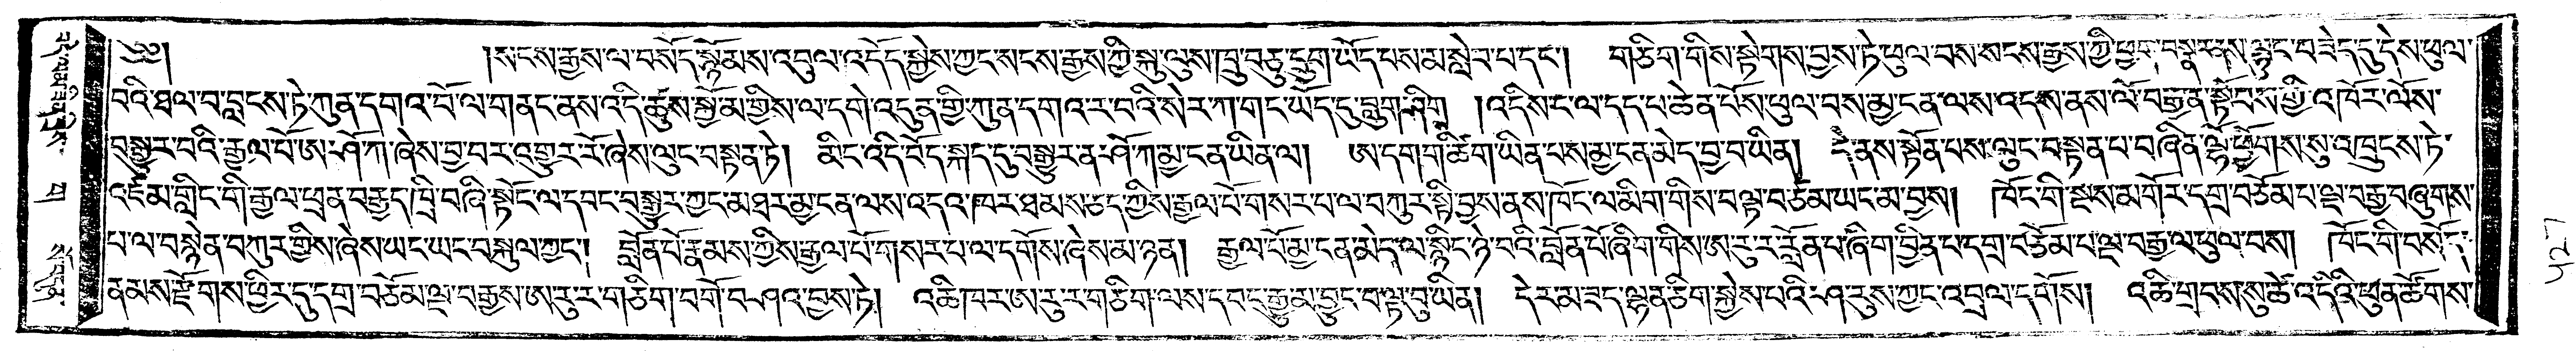༄༅། །སངས་རྒྱས་ལ་བསོད་སྙོམས་འབུལ་འདོད་སྐྱེས་ཀྱང་སངས་རྒྱས་ཀྱི་སྐུ་ལུས་ཁྲུ་བཅུ་དྲུག་ཡོད་པས་མ་སླེབ་པ་དང་། གཅིག་གིས་སྟེགས་བྱས་ཏེ་ཕུལ་བས་སངས་རྒྱས་ཀྱི་ཕྱག་བསྣར་ནས་ལྟུང་བཟེད་དུ་དེས་ཕུལ་
བའི་ཐལ་བ་བླངས་ཏེ་ཀུན་དགའ་བོ་ལ་གནང་ནས་འདི་ཆུས་སྐྱོ་མ་གྱིས་ལ་དགེ་བདུན་གྱི་ཀུན་དགའ་ར་བའི་སེར་ཀ་གང་ཡོད་དུ་བླུག་ཤིག །འདི་སང་ལ་དད་པ་ཆེན་པོས་ཕུལ་བས་མྱ་ངན་ལས་འདས་ནས་ལོ་བརྒྱན་སྟོབས་གྱི་འཁོར་ལོས་
བསྒྱུར་བའི་རྒྱལ་པོ་ཨ་ཤོ་ཀ་ཞེས་བྱ་བར་འགྱུར་རོ་ཞེས་ལུང་བསྟན་ཏེ། མིང་འདི་བོད་སྐད་དུ་བསྒྱུར་ན་ཤོ་ཀ་མྱ་ངན་ཡིན་ལ། ཨ་དགག་ཚིག་ཡིན་པས་མྱ་ངན་མེད་བྱ་བ་ཡིན། དེ་ནས་སྟོན་པས་ལུང་བསྟན་པ་བཞིན་ལྷོ་ཕྱོགས་སུ་འཁྲུངས་ཏེ་
འཛམ་གླིང་གི་རྒྱལ་ཕྲན་བརྒྱད་ཁྲི་བཞི་སྟོང་ལ་དབང་བསྒྱུར་ཀྱང་མཐར་མྱ་ངན་ལས་འདའ་ཁར་ཐམས་ཅད་ཀྱིས་རྒྱལ་པོ་གསར་པ་ལ་བཀུར་སྟི་བྱས་ནས་ཁོང་ལ་མིག་གིས་བལྟ་བ་ཙམ་ཡང་མ་བྱས། ཁོང་གི་སྔས་མགོར་དགྲ་བཅོམ་པ་ལྔ་བརྒྱ་བཞུགས་
པ་ལ་བསྙེན་བཀུར་གྱིས་ཞེས་ཡང་ཡང་བསྐུལ་ཀྱང་། བློན་པོ་རྣམས་ཀྱིས་རྒྱལ་པོ་གསར་པ་ལ་དགོས་ཞེས་མ་ཉན། རྒྱལ་པོ་མྱ་ངན་མེད་ལ་སྙིང་ཉེ་བའི་བློན་པོ་ཞིག་གིས་ཨ་རུ་ར་རློན་པ་ཞིག་བྱིན་པ་དགྲ་བཅོམ་པ་ལྔ་བརྒྱ་ལ་ཕུལ་བས། ཁོང་གི་བསོད་
ནམས་རྫོགས་ཕྱིར་དུ་དགྲ་བཅོམ་ལྔ་བརྒྱས་ཨ་རུ་ར་གཅིག་བགོ་བཤའ་བྱས་ཏེ། འཆི་ཁར་ཨ་རུ་ར་གཅིག་ལས་དབང་རྒྱུ་མ་བྱུང་བལྟ་བུ་ཡིན། དེར་མ་ཟད་ལྷན་ཅིག་སྐྱེས་པའི་ཤ་རུས་ཀྱང་འབྲལ་དགོས། འཆི་གྲབས་སུ་ཚེ་འདིའི་ཕུན་ཚོགས་